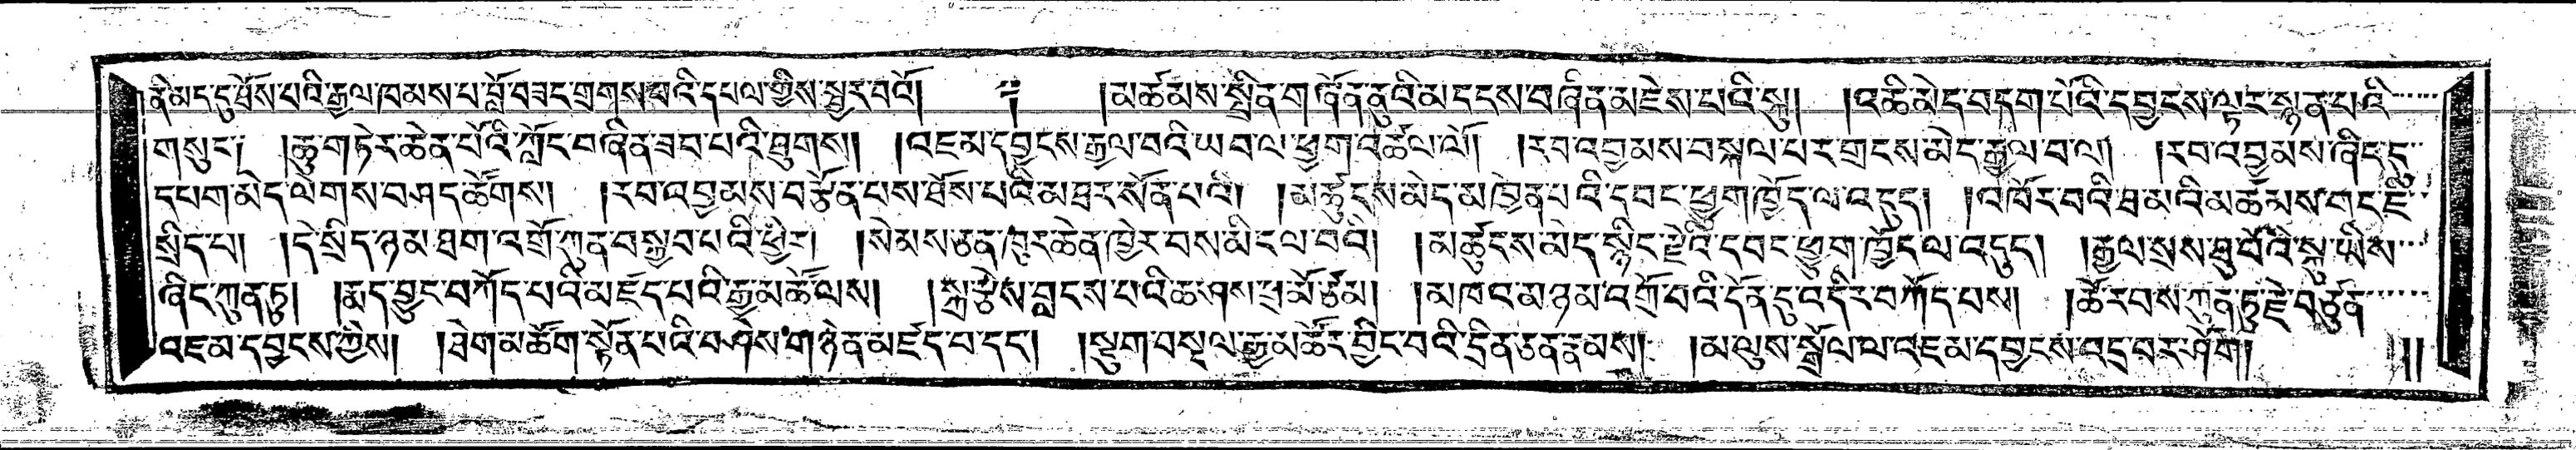ནི་མང་དུ་ཐོས་པའི་རྒྱལ་ཁམས་པ་བློ་བཟང་གྲགས་པའི་དཔལ་གྱིས་སྦྱར་བའོ། ༈ །མཚམས་སྤྲིན་གཞོན་ནུའི་མདངས་བཞིན་མཇེས་པའི་སྐུ། །འཆི་མེད་བདག་པོའི་དབྱངས་ལྟར་སྙན་པའི་
གསུང་། །ཆུ་གཏེར་ཆེན་པོའི་ཀློང་བཞིན་ཟབ་པའི་ཐུགས། །འཇམ་དབྱངས་རྒྱལ་བའི་ཡབ་ལ་ཕྱག་འཚལ་ལོ། །རབ་འབྱམས་བསྐལ་པར་གྲངས་མེད་རྒྱལ་བ་ལ། །རབ་འབྱམས་ཞིང་དུ་
དཔག་མེད་ལེགས་བཤད་ཚོགས། །རབ་འབྱམས་བརྩོན་པས་ཐོས་པའི་མཐར་སོན་པའི། །མཚུངས་མེད་མཁྱེན་པའི་དབང་ཕྱུག་ཁྱོད་ལ་འདུད། །འཁོར་བའི་ཐ་མའི་མཚམས་གང་ཇི་
སྲིད་པ། །དེ་སྲིད་ཉམ་ཐག་འགྲོ་ཀུན་བསྐྱབ་པའི་ཕྱིར། །སེམས་ཅན་ཁུར་ཆེན་ཁྱེར་བས་མི་ངལ་བའི། །མཚུངས་མེད་སྙིང་རྗེའི་དབང་ཕྱུག་ཁྱོད་ལ་འདུད། །རྒྱས་སྲས་ཐུ་བོའི་སྐུ་ཡིས་
ཞིང་ཀུན་ཏུ། །རྨད་བྱུང་བཀོད་པའི་མཛད་པའི་རྒྱ་མཚོ་ལས། །སྐྲ་རྩེས་བླངས་པའི་ཆ་ཤས་ཕྲ་མོ་ཙམ། །མཁའ་མཉམ་འགྲོ་བའི་དོན་དུ་འདིར་བཀོད་པས། །ཚེ་རབ་ཀུན་ཏུ་རྗེ་བཙུན་
འཇམ་དབྱངས་ཀྱིས། །ཐེག་མཆོག་སྟོན་པའི་བཤེས་གཉེན་མཛད་པ་དང་། །སྡུག་བསྔལ་རྒྱ་མཚོར་བྱིང་བའི་དྲིན་ཅན་རྣམས། །མ་ལུས་སྒྲོལ་ལ་འཇམ་དབྱངས་འདྲ་བར་ཤོག ། །།